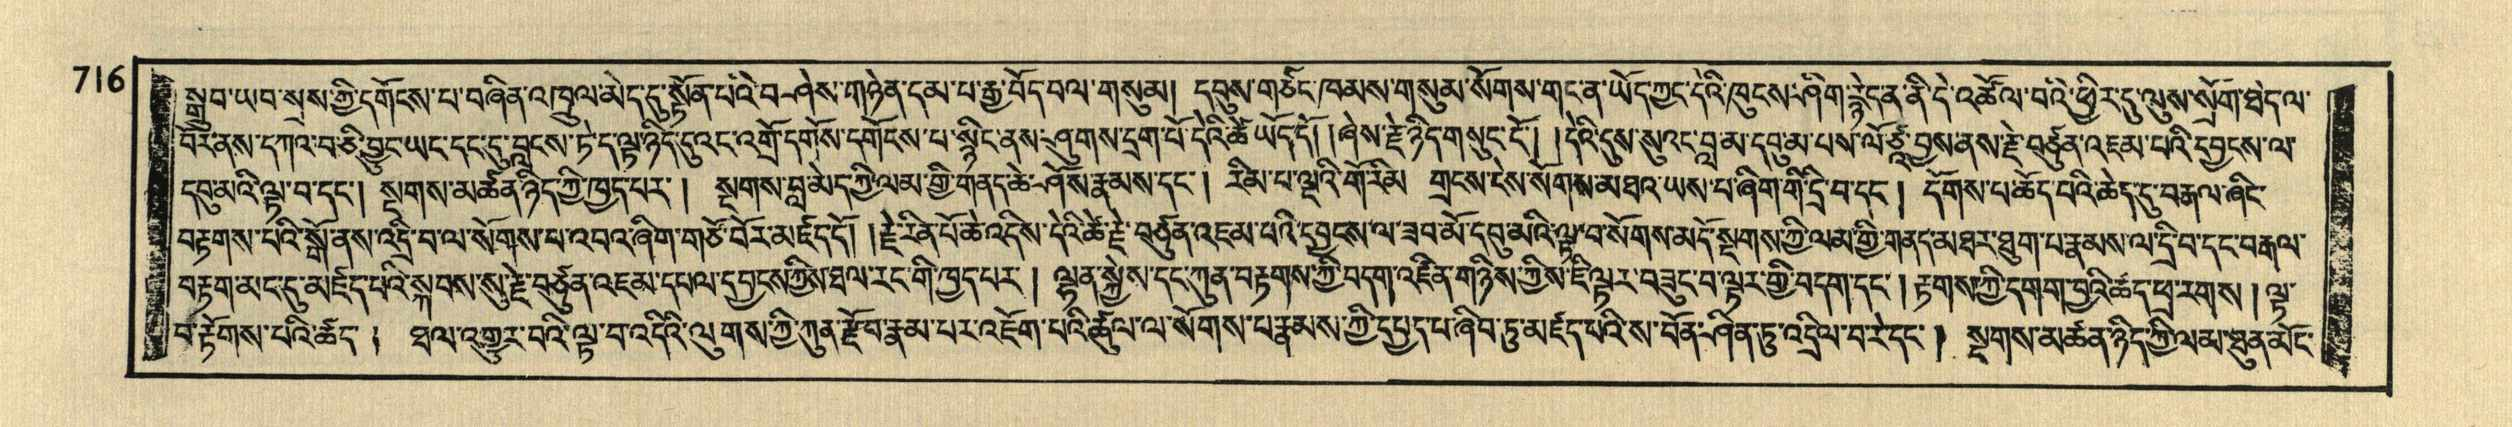སྒྲུབ་ཡབ་སྲས་ཀྱི་དགོངས་པ་བཞིན་འཁྲུལ་མེད་དུ་སྟོན་པའི་བཤེས་གཉེན་དམ་པ་རྒྱ་བོད་བ་ལ་གསུམ། དབུས་གཙང་ཁམས་གསུམ་སོགས་གང་ན་ཡོད་ཀྱང་དེའི་ཁུངས་ཤིག་རྙེད་ན་ནི་དེ་འཚོལ་བའི་ཕྱིར་དུ་ལུས་སྲོག་ཐེད་ལ་
བོར་ནས་དཀའ་བ་ཅི་བྱུང་ཡང་དང་དུ་བླངས་ཏེ་ད་ལྟ་ཉིད་དུའང་འགྲོ་དགོས་དགོངས་པ་སྙིང་ནས་ཤུགས་དྲག་པོ་དེའི་ཚེ་ཡོད་དོ། །ཞེས་རྗེ་ཉིད་གསུང་ངོ། །དེའི་དུས་སུའང་བླ་མ་དབུ་མ་པས་ལོ་ཙཱ་བྱས་ནས་རྗེ་བཙུན་འཇམ་པའི་དབྱངས་ལ་
དབུ་མའི་ལྟ་བ་དང་། སྔགས་མཚན་ཉིད་ཀྱི་ཁྱད་པར། སྔགས་བླ་མེད་ཀྱི་ལམ་གྱི་གནད་ཆེ་ཤོས་རྣམས་དང་། རིམ་པ་ལྔའི་གོ་རིམ་གྲངས་ངེས་སོགས་མཐའ་ཡས་པ་ཞིག་གི་དྲི་བ་དང་། དོགས་པ་ཆོད་པའི་ཆེད་དུ་བརྒལ་ཞིང་
བརྟགས་པའི་སྒོ་ནས་འདྲི་བ་ལ་སོགས་པ་འབའ་ཞིག་གཙོ་བོར་མཛད་དོ། །རྗེ་རིན་པོ་ཆེ་འདིས་དེའི་ཚེ་རྗེ་བཙུན་འཇམ་པའི་དབྱངས་ལ་ཟབ་མོ་དབུ་མའི་ལྟ་བ་སོགས་མདོ་སྔགས་ཀྱི་ལམ་གྱི་གནད་མཐར་ཐུག་པ་རྣམས་ལ་དྲི་བ་དང་བརྒལ་
བརྟག་མང་དུ་མཛད་པའི་སྐབས་སུ་རྗེ་བཙུན་འཇམ་དཔལ་དབྱངས་ཀྱིས་ཐལ་རང་གི་ཁྱད་པར། ལྷན་སྐྱེས་དང་ཀུན་བརྟགས་ཀྱི་བདག་འཛིན་གཉིས་ཀྱིས་ཇི་ལྟར་བཟུང་བ་ལྟར་གྱི་བདག་དང་། རྟགས་ཀྱི་དགག་བྱའི་ཚད་ཕྲ་རགས། ལྟ་
བ་རྟོགས་པའི་ཚད༑ ཐལ་འགྱུར་བའི་ལྟ་བ་འདིའི་ལུགས་ཀྱི་ཀུན་རྫོབ་རྣམ་པར་འཇོག་པའི་ཚུལ་ལ་སོགས་པ་རྣམས་ཀྱི་དཔྱད་པ་ཞིབ་ཏུ་མཛད་པའི་ས་བོན་ཤིན་ཏུ་འདྲིལ་བ་རེ་དང་། སྔགས་མཚན་ཉིད་ཀྱི་ལམ་ཐུན་མོང་